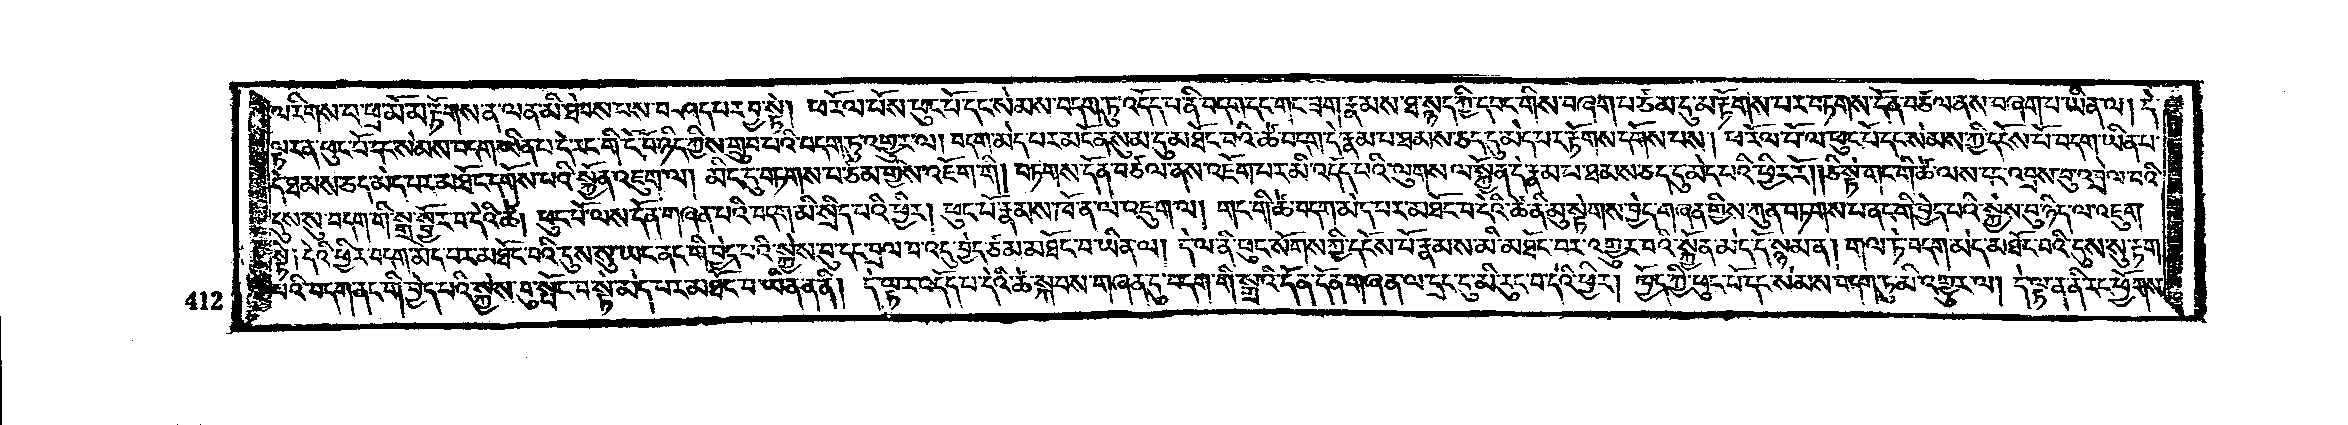ལ་རིགས་པ་ཕྲ་མོ་མ་རྟོགས་ན་ལན་མི་ཐེབས་པས་བཤད་པར་བྱ་སྟེ། ཕ་རོལ་པོས་ཕུང་པོ་དང་སེམས་བདག་ཏུ་འདོད་པ་ནི་བདག་དང་གང་ཟག་རྣམས་ཐ་སྙད་ཀྱི་དབང་གིས་བཞག་པ་ཙམ་དུ་མ་རྟོགས་པར་བཏགས་དོན་བཙལ་ནས་བཞག་པ་ཡིན་ལ། དེ་
ལྟར་ན་ཕུང་པོ་དང་སེམས་བདག་ཡིན་པ་དེ་རང་གི་ངོ་བོ་ཉིད་ཀྱིས་གྲུབ་པའི་བདག་ཏུ་འགྱུར་ལ། བདག་མེད་པར་མངོན་སུམ་དུ་མཐོང་བའི་ཚེ་བདག་དེ་རྣམ་པ་ཐམས་ཅད་དུ་མེད་པར་རྟོགས་དགོས་པས། ཕ་རོལ་པོ་ལ་ཕུང་པོ་དང་སེམས་ཀྱི་དངོས་པོ་བདག་ཡིན་པ་
དེ་ཐམས་ཅད་མེད་པར་མཐོང་དགོས་པའི་སྐྱོན་འཇུག་ལ། མིང་དུ་བཏགས་པ་ཙམ་གྱིས་འཇོག་གི ། བཏགས་དོན་བཙལ་ནས་འཇོག་པར་མི་འདོད་པའི་ལུགས་ལ་སྐྱོན་དེ་རྣམ་པ་ཐམས་ཅད་དུ་མེད་པའི་ཕྱིར་རོ། །ཅི་སྟེ་གང་གི་ཚེ་ལས་དང་འབྲས་བུ་འབྲེལ་བའི་
དུས་སུ་བདག་གི་སྒྲ་སྦྱོར་བ་དེའི་ཚེ། ཕུང་པོ་ལས་དོན་གཞན་པའི་བདག་མི་སྲིད་པའི་ཕྱིར། ཕུང་པོ་རྣམས་ཁོ་ན་ལ་འཇུག་ལ། གང་གི་ཚེ་བདག་མེད་པར་མཐོང་བ་དེའི་ཚེ་ནི་མུ་སྟེགས་བྱེད་གཞན་གྱིས་ཀུན་བཏགས་པ་ནང་གི་བྱེད་པའི་སྐྱེས་བུ་ཉིད་ལ་འཇུག་
སྟེ། དེའི་ཕྱིར་བདག་མེད་པར་མཐོང་བའི་དུས་སུ་ཡང་ནང་གི་བྱེད་པའི་སྐྱེས་བུ་དང་བྲལ་བ་འདུ་བྱེད་ཙམ་མཐོང་བ་ཡིན་ལ། དེ་ལ་ནི་ཕུང་སོགས་ཀྱི་དངོས་པོ་རྣམས་མི་མཐོང་བར་འགྱུར་བའི་སྐྱོན་མེད་དོ་སྙམ་ན། གལ་ཏེ་བདག་མེད་མཐོང་བའི་དུས་སུ་རྟག་
པའི་བདག་ནང་གི་བྱེད་པའི་སྐྱེས་བུ་སྤོང་བ་སྟེ་མེད་པར་མཐོང་བ་ཡིན་ན་ནི། དེ་ལྟར་འདོད་པ་དེའི་ཚེ་སྐབས་གཞན་དུ་བདག་གི་སྒྲའི་དོན་གཞན་ལ་དྲང་དུ་མི་རུང་བ་དེའི་ཕྱིར། ཁྱོད་ཀྱི་ཕུང་པོ་དང་སེམས་བདག་ཏུ་མི་འྲྒྱུར་ལ།